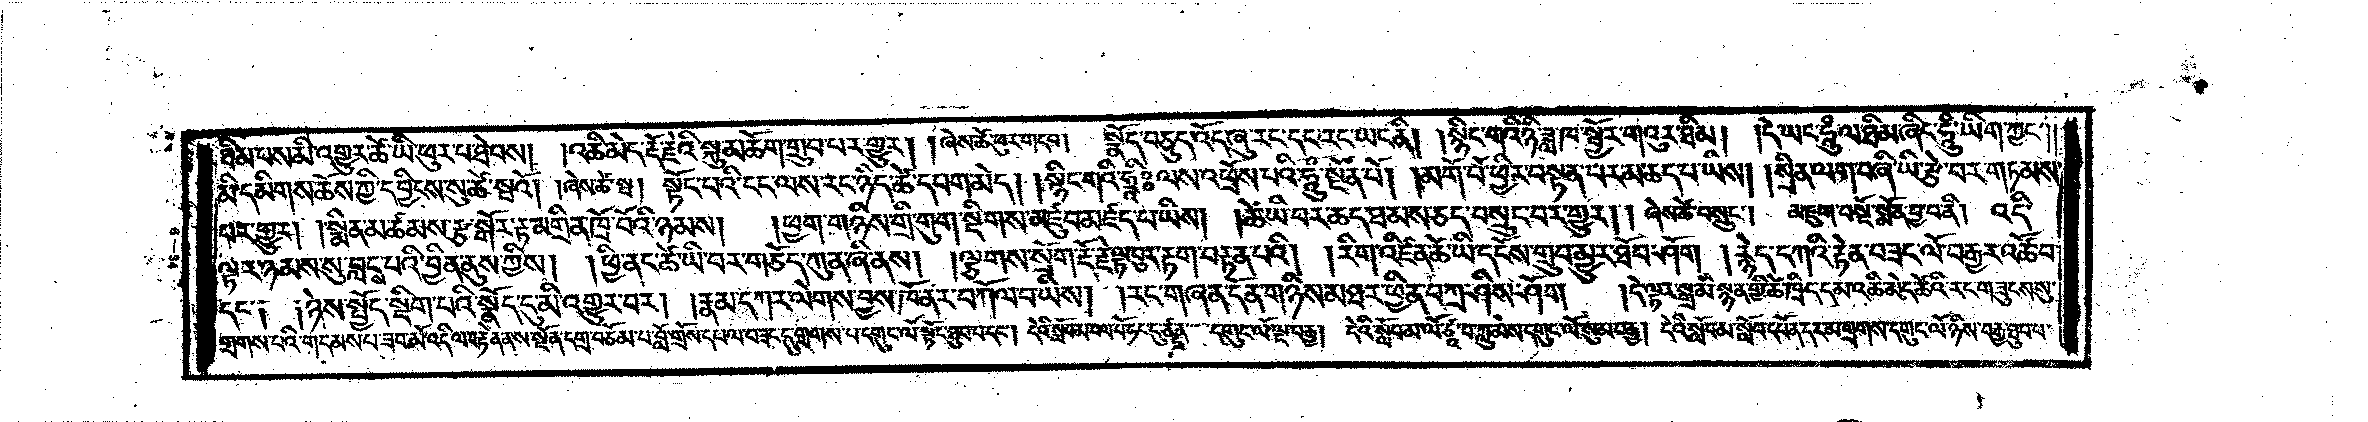ཐིམ་པས་མི་འགྱུར་ཚེ་ཡི་ཕུར་པ་ཐེབས། །འཆི་མེད་རྡོ་རྗེའི་སྐུ་མཆོག་གྲུབ་པར་གྱུར། །ཞེས་ཚེ་ཕུར་གདབ།  སྣོད་བཅུད་འོད་ཞུ་རང་དང་རང་ཡང་ནི། །སྙིང་གའི་ཉི་ཟླ་ཁ་སྦྱོར་གའུར་ཐིམ། །དེ་ཡང་ཧཱུཾ་ལ་ཐིམ་ཞིང་ཧཱུཾ་ཡིག་ཀྱང།།
མི་དམིགས་ཆོས་ཀྱི་དབྱིངས་སུ་ཚེ་སྤའོ། །ཞེས་ཚེ་སྤ།  སྟོང་པའི་ངང་ལས་རང་ཉིད་ཚེ་དཔག་མེད། །སྙིང་གའི་ཧྲཱིཿལས་འཕྲོས་པའི་ཧཱུཾ་སྔོན་པོ། །མགོ་བོ་ཕྱིར་བསྟན་པར་མ་ཆད་པ་ཡིས། །སྲིན་ལག་བཞི་ཡི་རྩེ་བར་གཏམས་
པར་གྱུར། །སྨིན་མཚམས་རྩ་སྒོར་རྟ་མགྲིན་ཁྲོ་བོའི་ཉམས། །ཕྱག་གཉིས་གྲི་གུག་སྡིགས་མཛུབ་མཛད་པ་ཡིས། །ཚེ་ཡི་བར་ཆད་ཐམས་ཅད་བསྲུང་བར་གྱུར། །ཞེས་ཚེ་བསྲུང་། མཇུག་བསྔོ་སྨོན་བྱ་བ་ནི།  འདི་
ལྟར་ཉམས་སུ་བླངས་པའི་བྱིན་ནུས་ཀྱིས། །ཕྱི་ནང་ཚེ་ཡི་བར་གཅོད་ཀུན་ཞི་ནས། །ལྕགས་སྲོག་རྡོ་རྗེ་ལྟ་བུར་རྟག་བརྟན་པའི། །རིག་འཛིན་ཚེ་ཡི་དངོས་གྲུབ་མྱུར་ཐོབ་ཤོག །རྙེད་དཀའི་རྟེན་བཟང་ལོ་བརྒྱར་འཚོ་བ་
དང༑ ༑ཉེས་སྤྱོད་སྡིག་པའི་སྣོད་དུ་མི་འགྱུར་བར། །རྣམ་དཀར་ལེགས་བྱས་ཁོ་ནར་བཀོལ་བ་ཡིས། །རང་གཞན་དོན་གཉིས་མཐར་ཕྱིན་བཀྲ་ཤིས་ཤོག །།དེ་ལྟར་སྒྲ་མི་སྙན་གྱི་ཚེ་ཁྲིད་དམ་འཆི་མེད་ཚེའི་རང་གཟུངས་སུ་
གྲགས་པའི་གདམས་པ་ཟབ་མོ་འདི་ལ་བརྟེན་ནས་སྔོན་དགྲ་བཅོམ་པ་བློ་གྲོས་དཔལ་བཟང་དུ་གྲགས་པ་དགུང་ལོ་སྟོང་ཐུབ་པ་དང་། དེའི་སློབ་མ་བལ་པོ་ཧང་དུ་ཙནྡྲ་དགུང་ལོ་ལྔ་བརྒྱ། དེའི་སློབ་མ་ལོ་ཙཱ་བ་ཀླུ་མེས་དགུང་ལོ་སུམ་བརྒྱ། དེའི་སློབ་མ་སློབ་དཔོན་དར་མ་གྲགས་དགུང་ལོ་ཉིས་བརྒྱ་ཐུབ་པ་